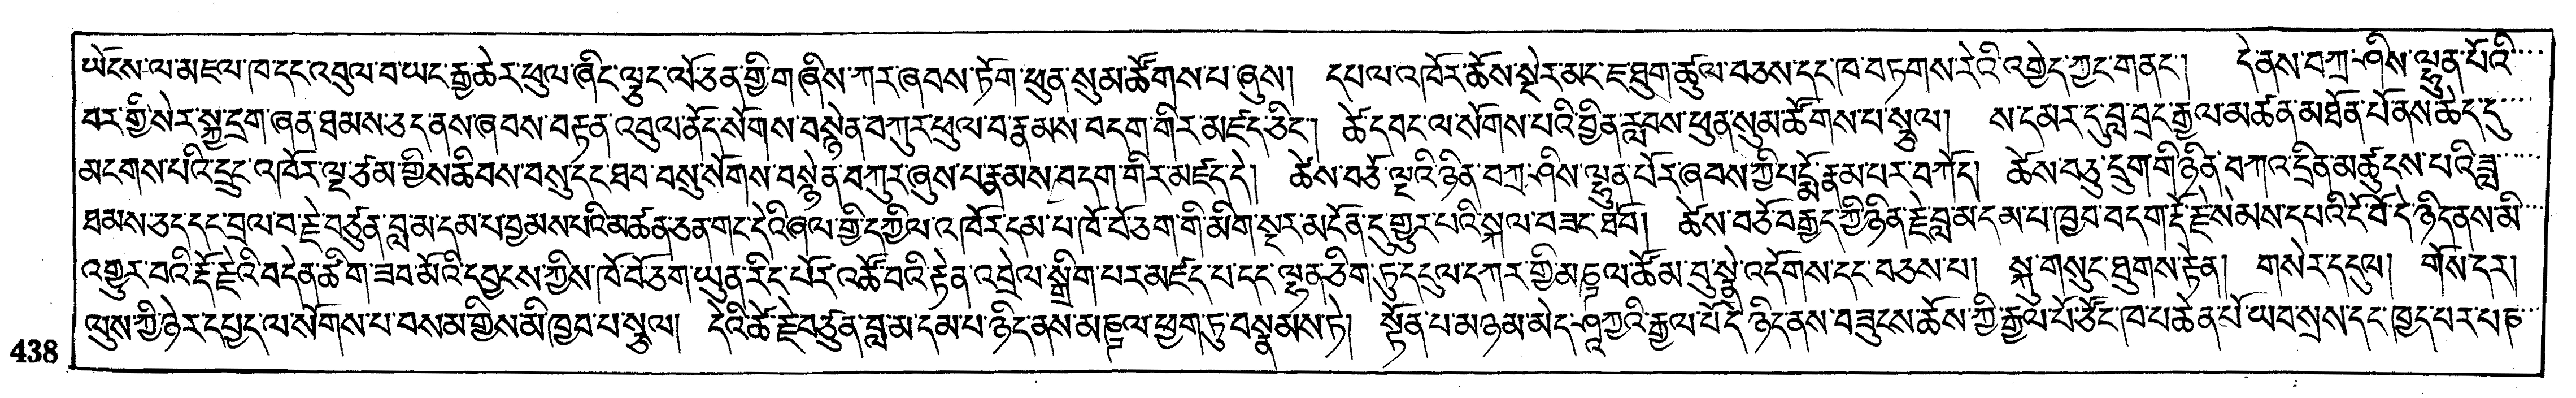ཡོངས་ལ་མཇལ་ཁ་དང་འབུལ་བ་ཡང་རྒྱ་ཆེར་ཕུལ་ཞིང་ལྕང་ལོ་ཅན་གྱི་གཞིས་ཀར་ཞབས་ཏོག་ཕུན་སུམ་ཚོགས་པ་ཞུས། དཔལ་འཁོར་ཆོས་སྡེར་མང་ཇ་ཐུག་ཚུལ་བཅས་དང་ཁ་བཏགས་རེའི་འགྱེད་ཀྱང་གནང་། དེ་ནས་བཀྲ་ཤིས་ལྷུན་པོའི་
བར་གྱི་སེར་སྐྱ་དྲག་ཞན་ཐམས་ཅད་ནས་ཞབས་བརྟན་འབུལ་ནོད་སོགས་བསྙེན་བཀུར་ཕུལ་བ་རྣམས་བདག་གིར་མཛད་ཅིང་། ཚེ་དབང་ལ་སོགས་པའི་བྱིན་རླབས་ཕུན་སུམ་ཚོགས་པ་སྩལ། ས་དམར་དུ་བླ་བྲང་རྒྱལ་མཚན་མཐོན་པོ་ནས་ཆེད་དུ་
མངགས་པའི་དྲུང་འཁོར་ལྔ་ཙམ་གྱིས་ཆིབས་བསུ་དང་ཐབ་བསུ་སོགས་བསྙེན་བཀུར་ཞུས་པ་རྣམས་བདག་གིར་མཛད་དེ། ཚེས་བཅོ་ལྔའི་ཉིན་བཀྲ་ཤིས་ལྷུན་པོར་ཞབས་ཀྱི་པདམོ་རྣམ་པར་བཀོད། ཚེས་བཅུ་དྲུག་གི་ཉིན་བཀའ་དྲིན་མཚུངས་པའི་ཟླ་
ཐམས་ཅད་དང་བྲལ་བ་རྗེ་བཙུན་བླ་མ་དམ་པ་བྱམས་བའི་མཚན་ཅན་གང་དེའི་ཞལ་གྱི་དཀྱིལ་འཁོར་དམ་པ་ཁོ་བོ་ཅག་གི་མིག་སྔར་མངོན་དུ་གྱུར་པའི་སྐལ་བཟང་ཐོབ། ཚེས་བཅོ་བརྒྱད་ཀྱི་ཉིན་རྗེ་བླ་མ་དམ་པ་ཁྱབ་བདག་རྡོ་རྗེ་སེམས་དཔའི་ངོ་བོ་དེ་ཉིད་ནས་མི་
འགྱུར་བའི་རྡོ་རྗེའི་བདེན་ཆིག་ཟབ་མོའི་དབྱངས་ཀྱིས་ཁོ་བོ་ཅག་ཡུན་རིང་པོར་འཚོ་བའི་རྟེན་འབྲེལ་སྒྲིག་པར་མཛད་པ་དང་ལྷན་ཅིག་ཏུ་དངུལ་དཀར་གྱི་མཎྜལ་ཚོམ་བུ་སྣེ་འདོགས་དང་བཅས་པ། སྐུ་གསུང་ཐུགས་རྟེན། གསེར་དངུལ། གོས་དར།
ལུས་ཀྱི་ཉེར་དཔྱད་ལ་སོགས་པ་བསམ་གྱིས་མི་ཁྱབ་པ་སྩལ། དེའི་ཚེ་རྗེ་བཙུན་བླ་མ་དམ་པ་ཉིད་ནས་མཎྜལ་ཕྱག་ཏུ་བསྣམས་ཏེ། སྟོན་པ་མཉམ་མེད་ཤཱཀྱའི་རྒྱལ་པོ་དེ་ཉིད་ནས་བཟུངས་ཆོས་ཀྱི་རྒྱལ་པོ་ཙོང་ཁ་པ་ཆེན་པོ་ཡབ་སྲས་དང་ཁྱད་པར་པཎ་